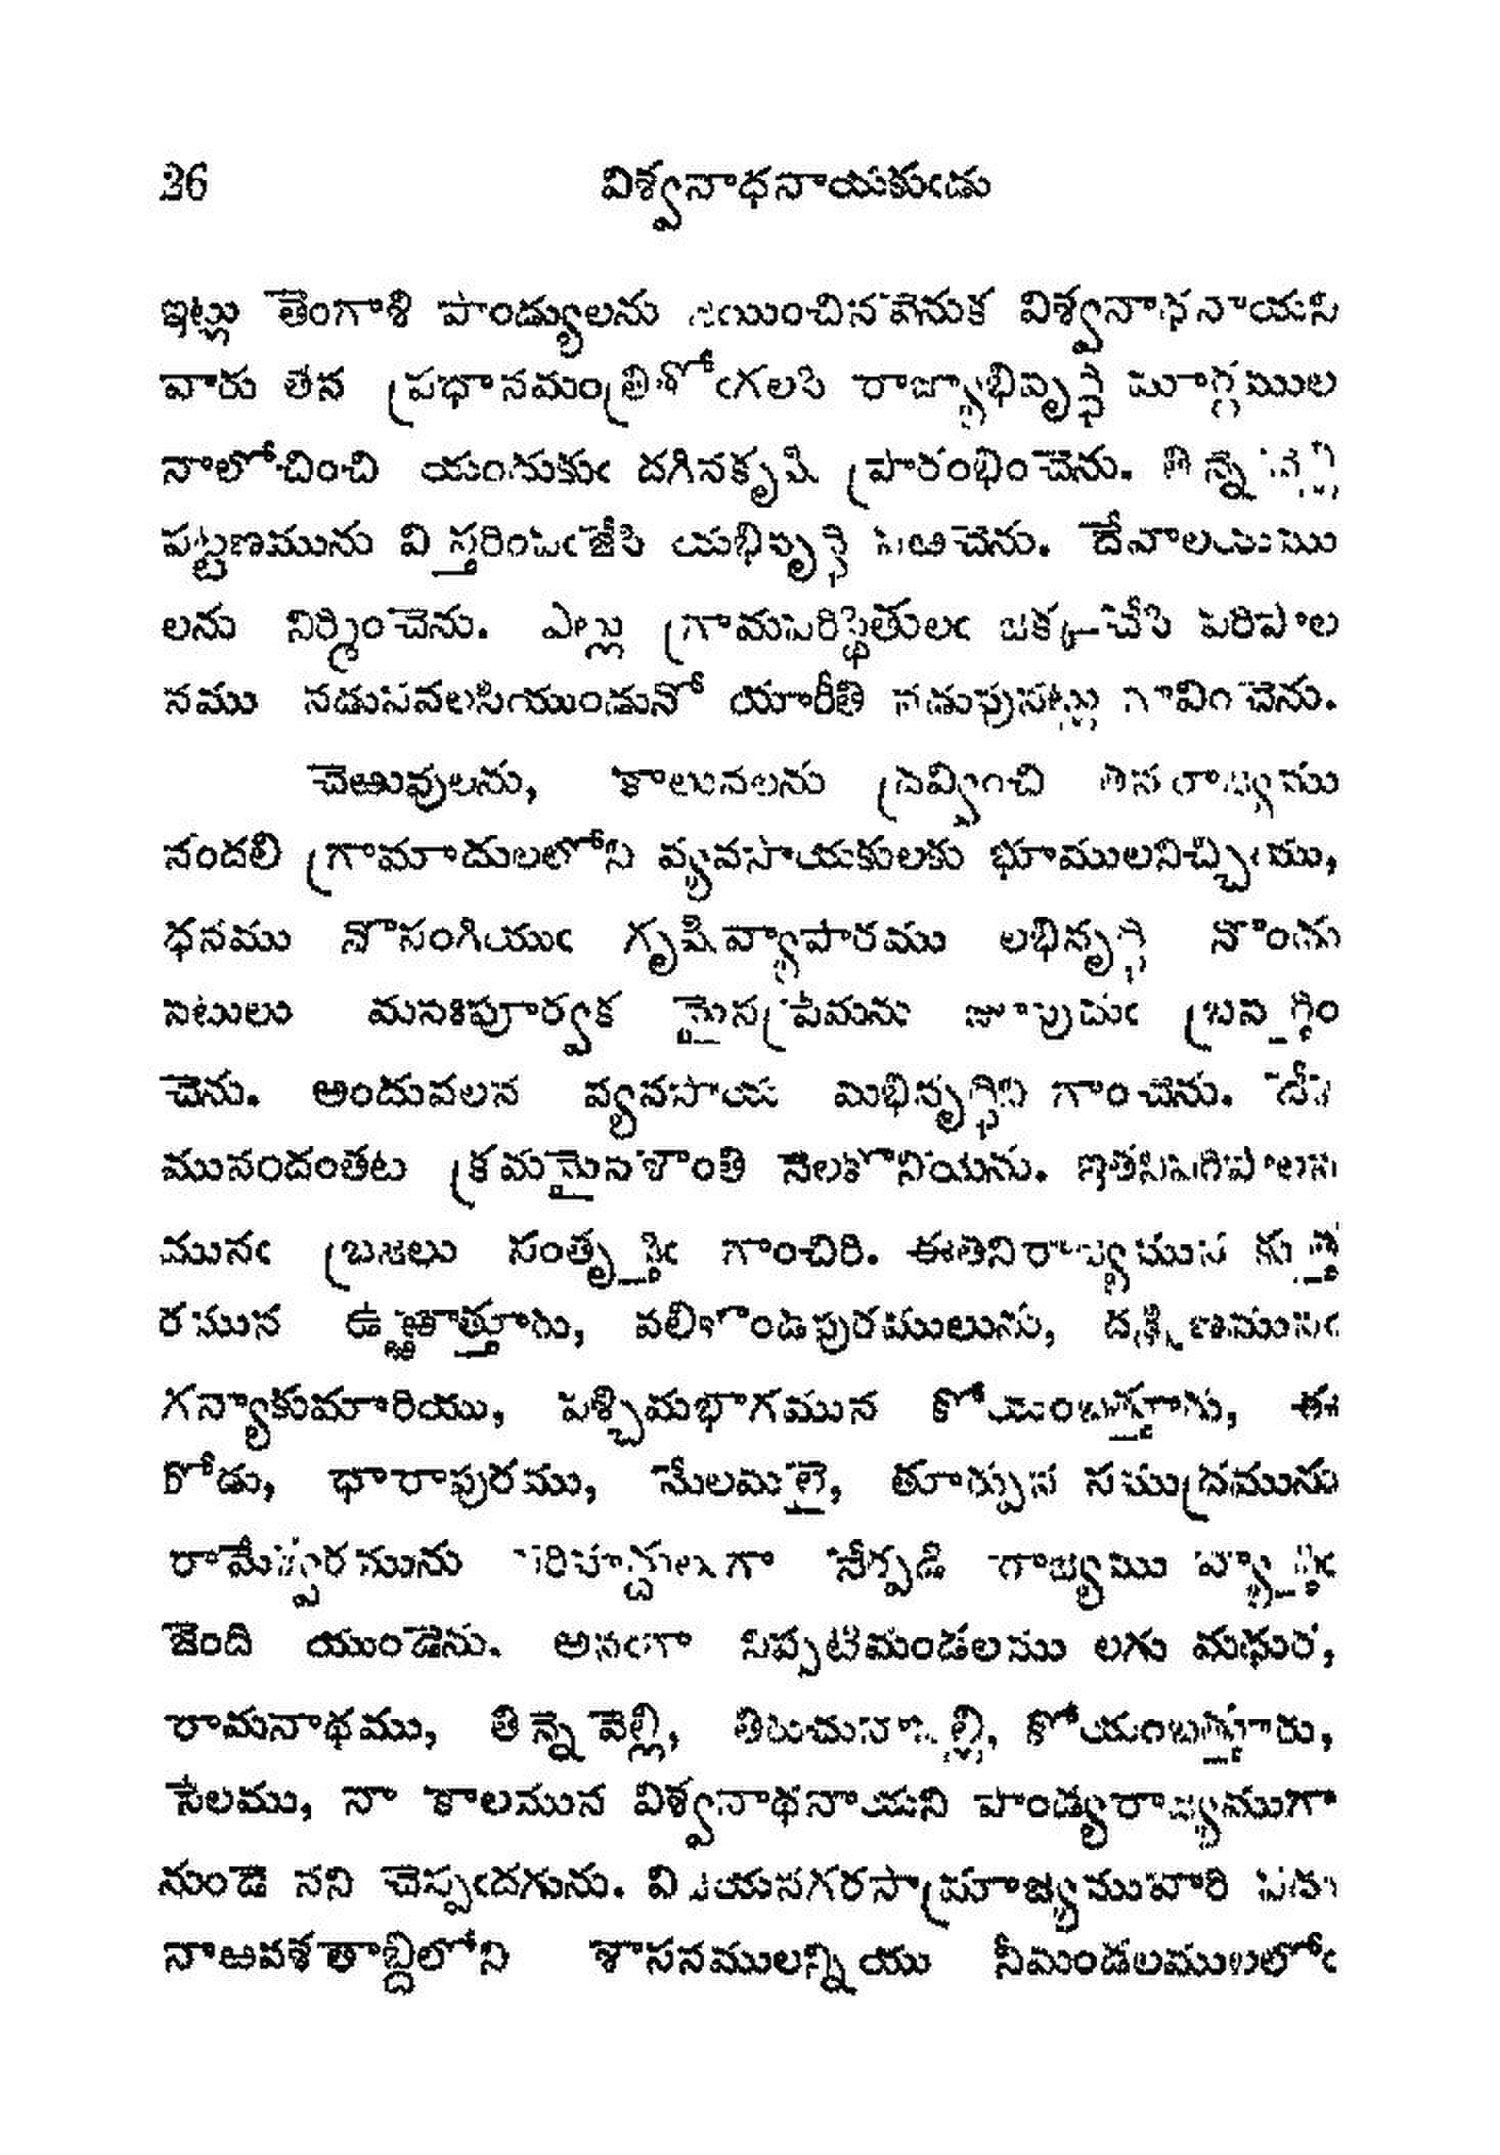ఇట్లు తెంగాశి పాండ్యులను జయించినవెనుక విశ్వనాథనాయని వారు తన ప్రధానమంత్రితోఁగలసి రాజ్యాభివృద్ధి మార్గముల నాలోచించి యందుకుఁ దగినకృషి ప్రారంభించెను. తిన్నెవెల్లి పట్టణమును విస్తరింపఁజేసి యభివృద్ధి పఱచెను. దేవాలయములను నిర్మించెను. ఎట్లు గ్రామపరిస్థితులఁ జక్కచేసి పరిపాలనము నడుపవలసియుండునో యారీతి నడుపునట్లు గావించెను.

చెఱువులను, కాలువలను ద్రవ్వించి తనరాజ్యము నందలి గ్రామాదులలోని వ్యవసాయకులను భూములనిచ్చియు, ధనము నొసంగియుఁ గృషివ్యాపారము లభివృద్ధి నొందునటులు మనఃపూర్వక మైనప్రేమను జూపుచుఁ బ్రవర్తించెను. అందువలన వ్యవసాయ మభివృద్ధిని గాంచెను. దేశమునందంటట క్రమమైనశాంతి నెలకొనియెను. ఇతనిపరిపాలనమునఁ బ్రజలు సంతృప్తిఁ గాంచిరి. ఈతనిరాజ్యమున కుత్తరమున ఉఱ్ఱాత్తూరు, వలికొండపురములును, దక్షిణమునఁ గన్యాకుమారియు, పశ్చిమభాగమున కోయంబత్తూరు, ఈరోడు, ధారాపురము, మేలమలై, తూర్పున సముద్రమును రామేశ్వరమును సరిహద్దులుగా నేర్పడి రాజ్యము వ్యాప్తిఁ జెంది యుండెను. అనఁగా నిప్పటిమండలము లగు మధుర, రామనాథము, తిన్నెవెల్లి, తిరుచునాపల్లి, కోయంబత్తూరు, సేలము, నా కాలమున విశ్వనాథనాయని పాండ్యరాజ్యముగా నుండె నని చెప్పఁదగును. విజయనగరసామ్రాజ్యమువారి పదునాఱవశతాబ్దిలోని శాసనములన్నియు నీమండలములలోఁ